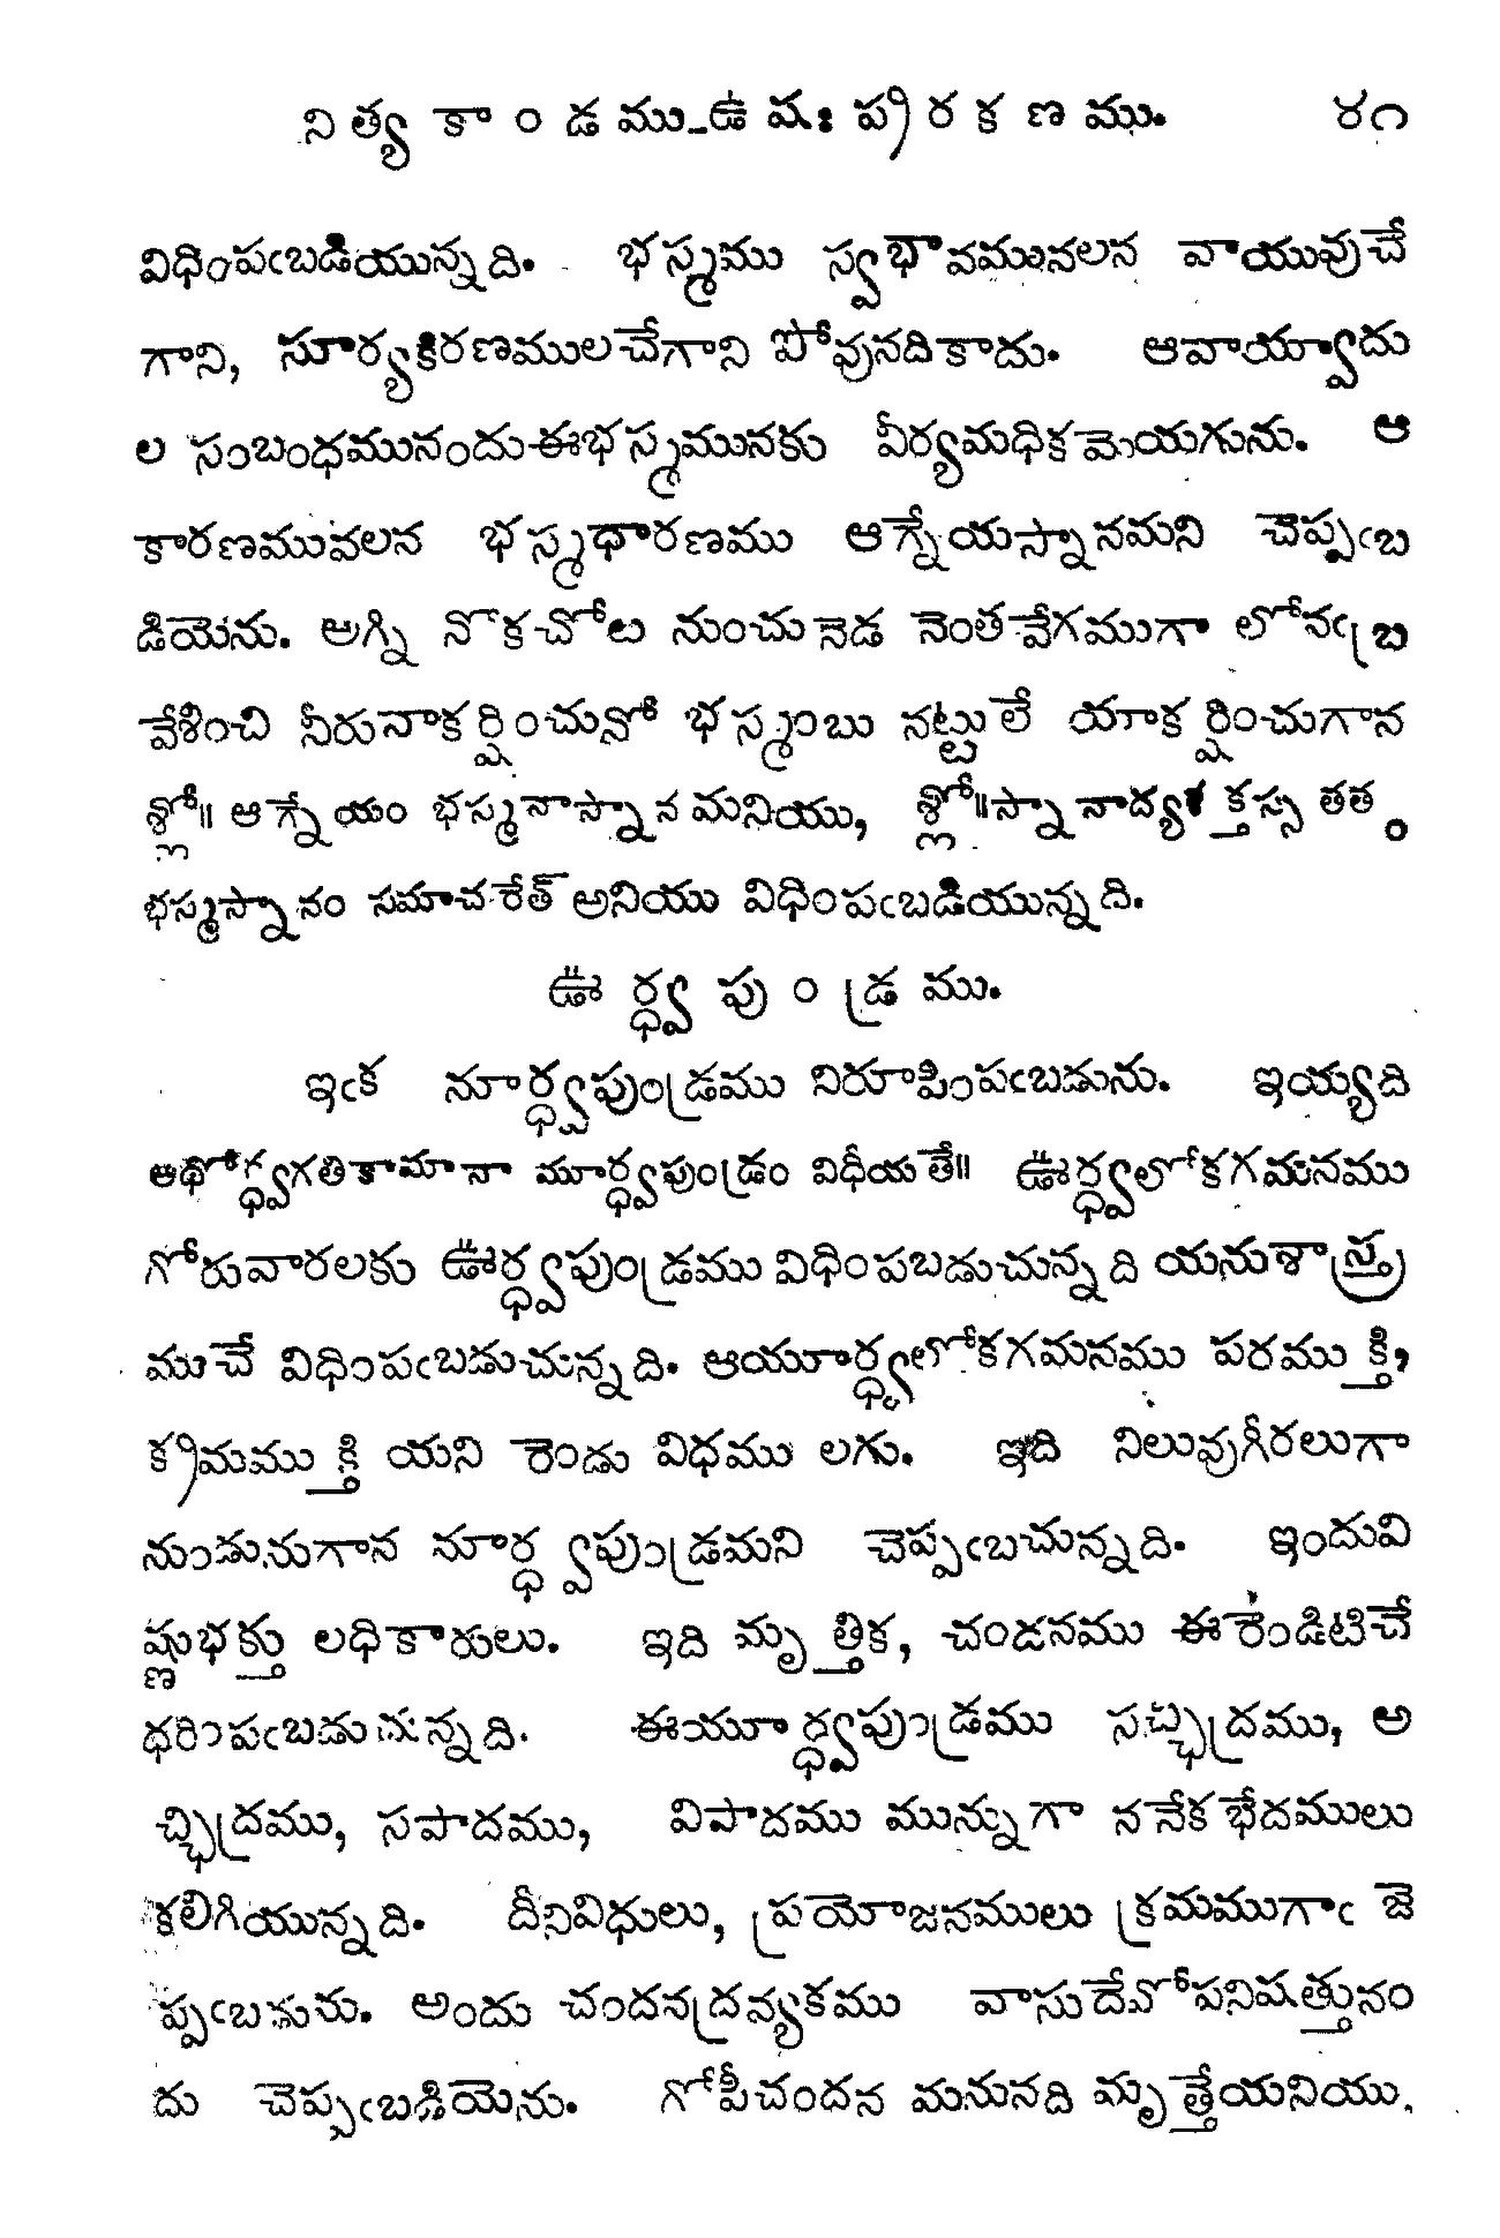విధింపఁబడియున్నది. భస్మము స్వభావమువలన వాయువుచేగాని, సూర్యకిరణములచేగాని పోవునదికాదు. ఆవాయ్వాదుల సంబంధమునందు ఈభస్మమునకు వీర్యమధికమెయగును. ఆ కారణమువలన భస్మధారణము ఆగ్నేయస్నానమని చెప్పఁబడియెను. అగ్ని నొకచోట నుంచునెడ నెంతవేగముగా లోనఁబ్రవేశించి నీరునాకర్షించునో భస్మంబు నట్టులే యాకర్షించుగాన శ్లో॥ ఆగ్నేయం భస్మనాస్నానమనియు, శ్లో॥స్నానాద్యశక్తస్సతత భస్మస్నానం సమాచరేత్ అనియు విధింపఁబడియున్నది.

ఇఁక నూర్ధ్వపుండ్రము నిరూపింపఁబడును. ఇయ్యది అథోర్ధ్వగతికామానా మూర్ధ్వపుండ్రం విధీయతే॥ ఊర్ధ్వలోకగమనము గోరువారలకు ఊర్ధ్వపుండ్రము విధింపబడుచున్నది యనుశాస్త్రముచే విధింపఁబడుచున్నది. ఆయూర్ధ్వలోకగమనము పరముక్తి, క్రమముక్తి యని రెండు విధము లగు. ఇది నిలువుగీరలుగా నుండునుగాన నూర్ధ్వపుండ్రమని చెప్పఁబడుచున్నది. ఇందువిష్ణుభక్తు లధికారులు. ఇది మృత్తిక, చందనము ఈరెండిటిచే ధరింపఁబడుచున్నది. ఈయూర్ధ్వపుండ్రము సచ్ఛిద్రము, అచ్ఛిద్రము, సపాదము, విపాదము మున్నుగా ననేకభేదములు కలిగియున్నది. దీనివిధులు, ప్రయోజనములు క్రమముగాఁ జెప్పఁబడును. అందు చందనద్రవ్యకము వాసుదేవోపనిషత్తునందు చెప్పఁబడియెను. గోపీచందన మనునది మృత్తేయనియు,